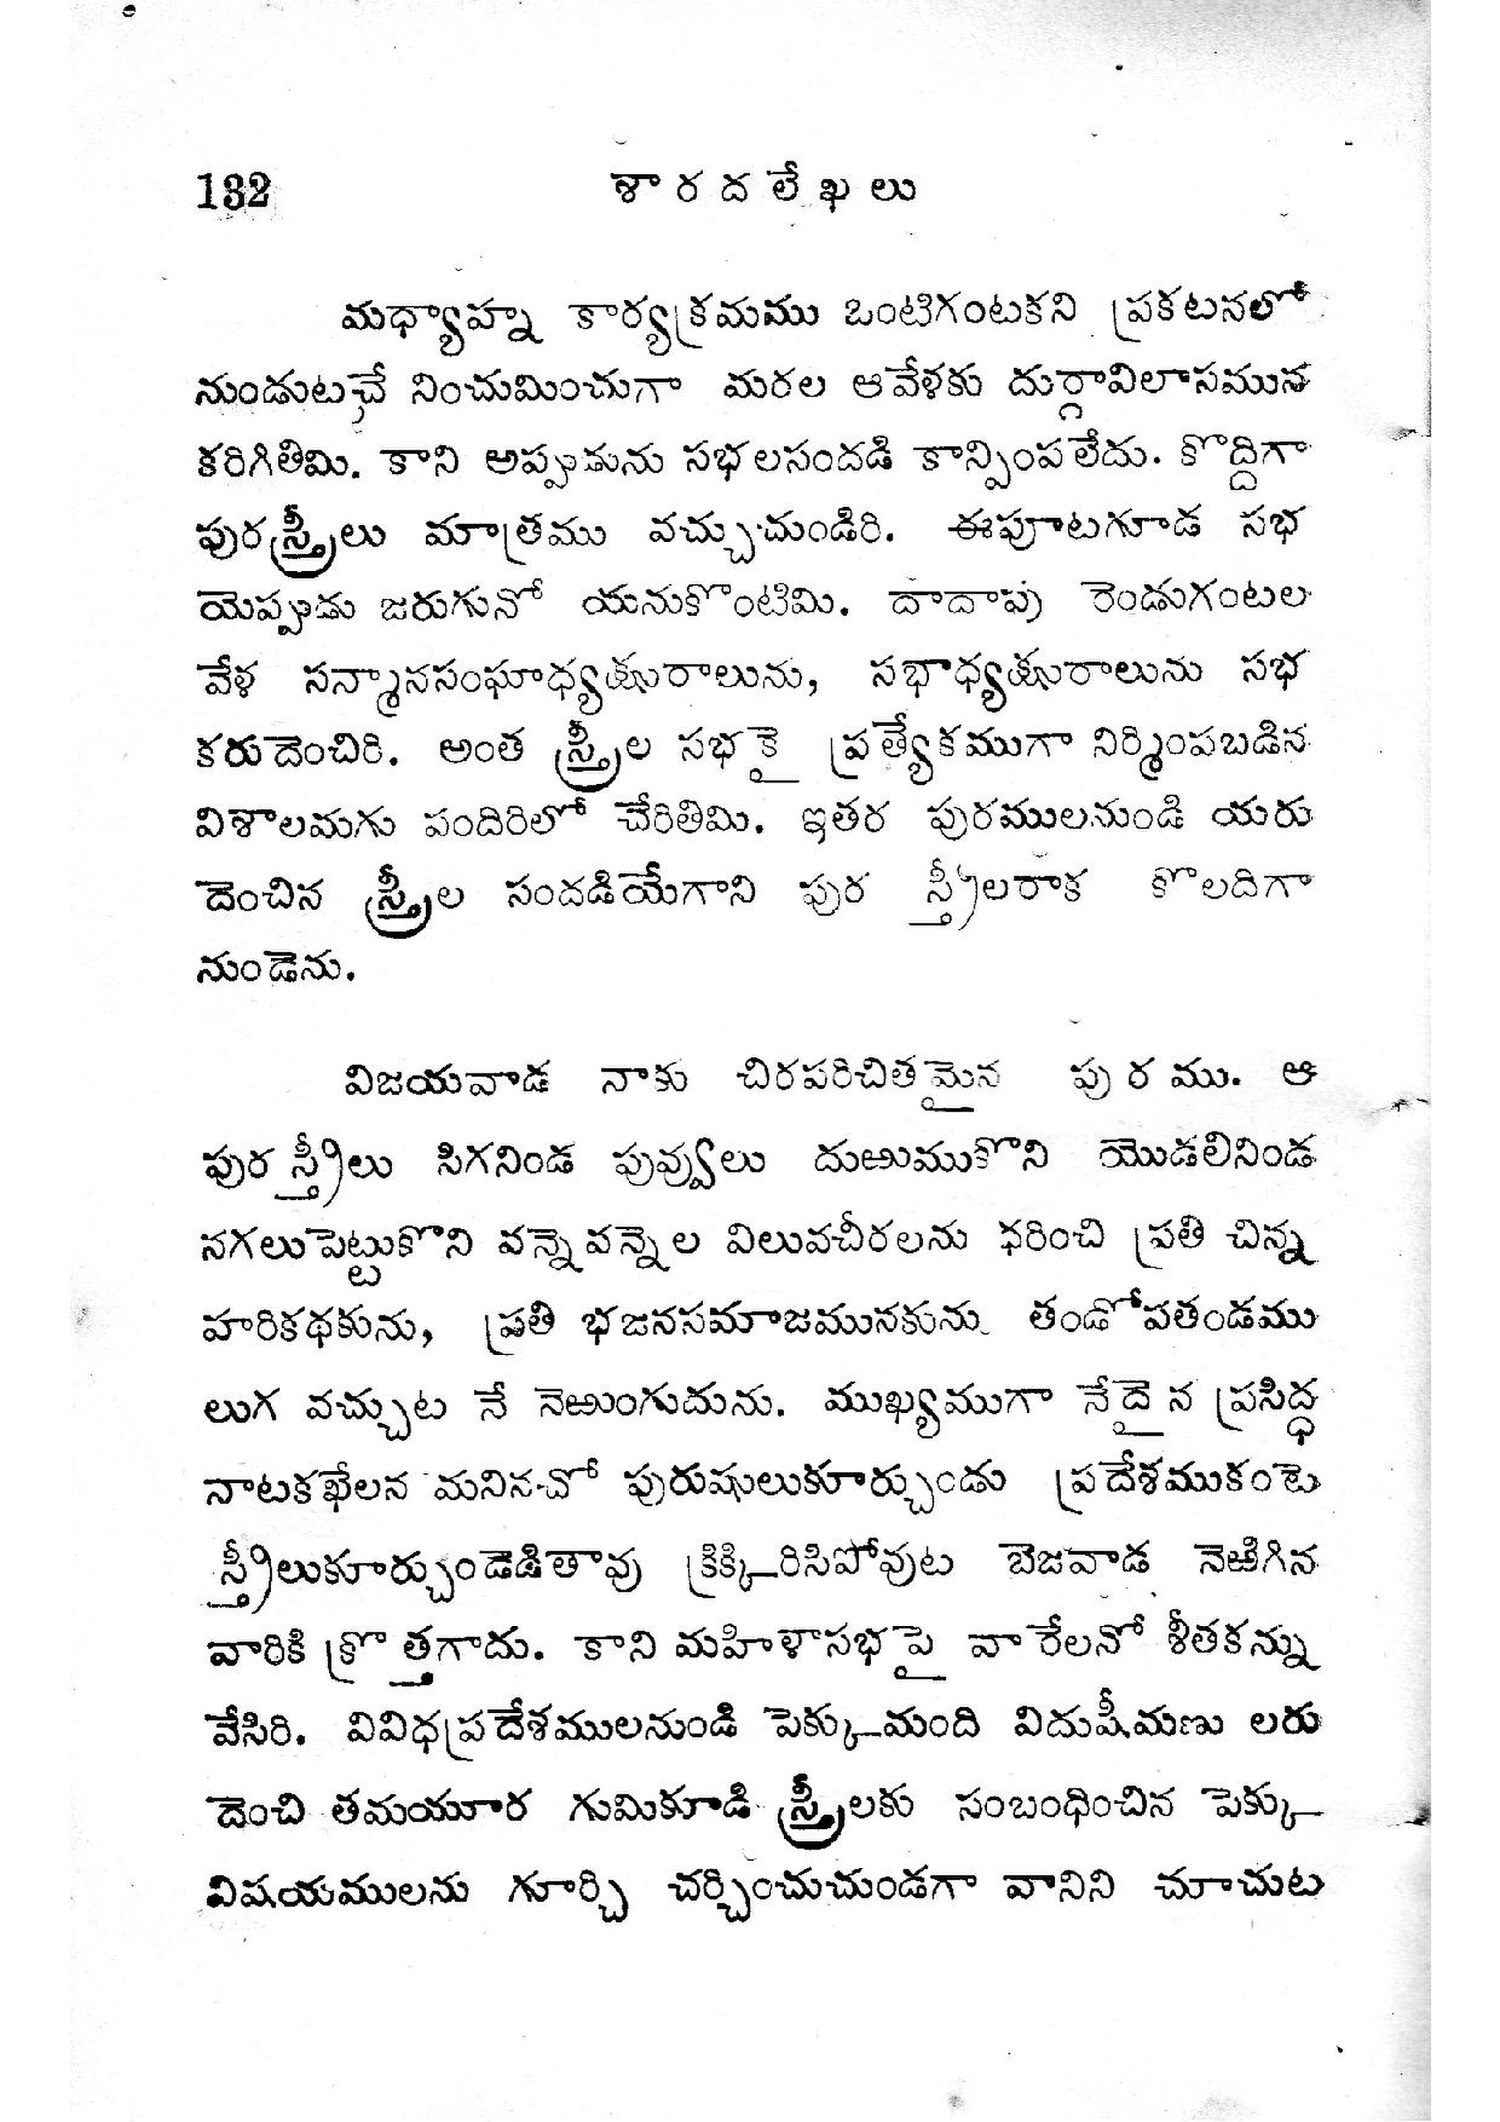మధ్యాహ్న కార్యక్రమము ఒంటిగంటకని ప్రకటనలో నుండుటచే నించుమించుగా మరల ఆవేళకు దుర్గావిలాసమున కరిగితిమి. కాని అప్పుడును సభలసందడి కాన్పింపలేదు. కొద్దిగా పురస్త్రీలు మాత్రము వచ్చుచుండిరి. ఈపూటగూడ సభ యెప్పుడు జరుగునో యనుకొంటిమి. దాదాపు రెండుగంటల వేళ సన్మానసంఘాధ్యక్షురాలును, సభాధ్యక్షురాలును సభకరుదెంచిరి. అంత స్త్రీల సభకై ప్రత్యేకముగా నిర్మింపబడిన విశాలమగు పందిరిలో చేరితిమి. ఇతర పురములనుండి యరుదెంచిన స్త్రీల సందడియేగాని పుర స్త్రీలరాక కొలదిగా నుండెను.

విజయవాడ నాకు చిరపరిచితమైన పురము. ఆ పురస్త్రీలు సిగనిండ పువ్వులు దుఱుముకొని యొడలినిండ నగలుపెట్టుకొని వన్నెవన్నెల విలువచీరలను ధరించి ప్రతి చిన్న హరికథకును, ప్రతి భజనసమాజమునకును తండోపతండములుగ వచ్చుట నే నెఱుంగుదును. ముఖ్యముగా ప్రసిద్ధ
నాటకఖేలన మనినచో పురుషులుకూర్చుండు ప్రదేశముకంటె స్త్రీలుకూర్చుండెడితావు క్రిక్కిరిసిపోవుట బెజవాడ నెఱిగిన వారికి క్రొత్తగాదు. కాని మహిళాసభపై వారేలనో శీతకన్ను వేసిరి. వివిధప్రదేశములనుండి పెక్కుమంది విదుషీమణు లరుదెంచి తమయూర గుమికూడి స్త్రీలకు సంబంధించిన పెక్కువిషయములను గూర్చి చర్చించుచుండగా వానిని చూచుట